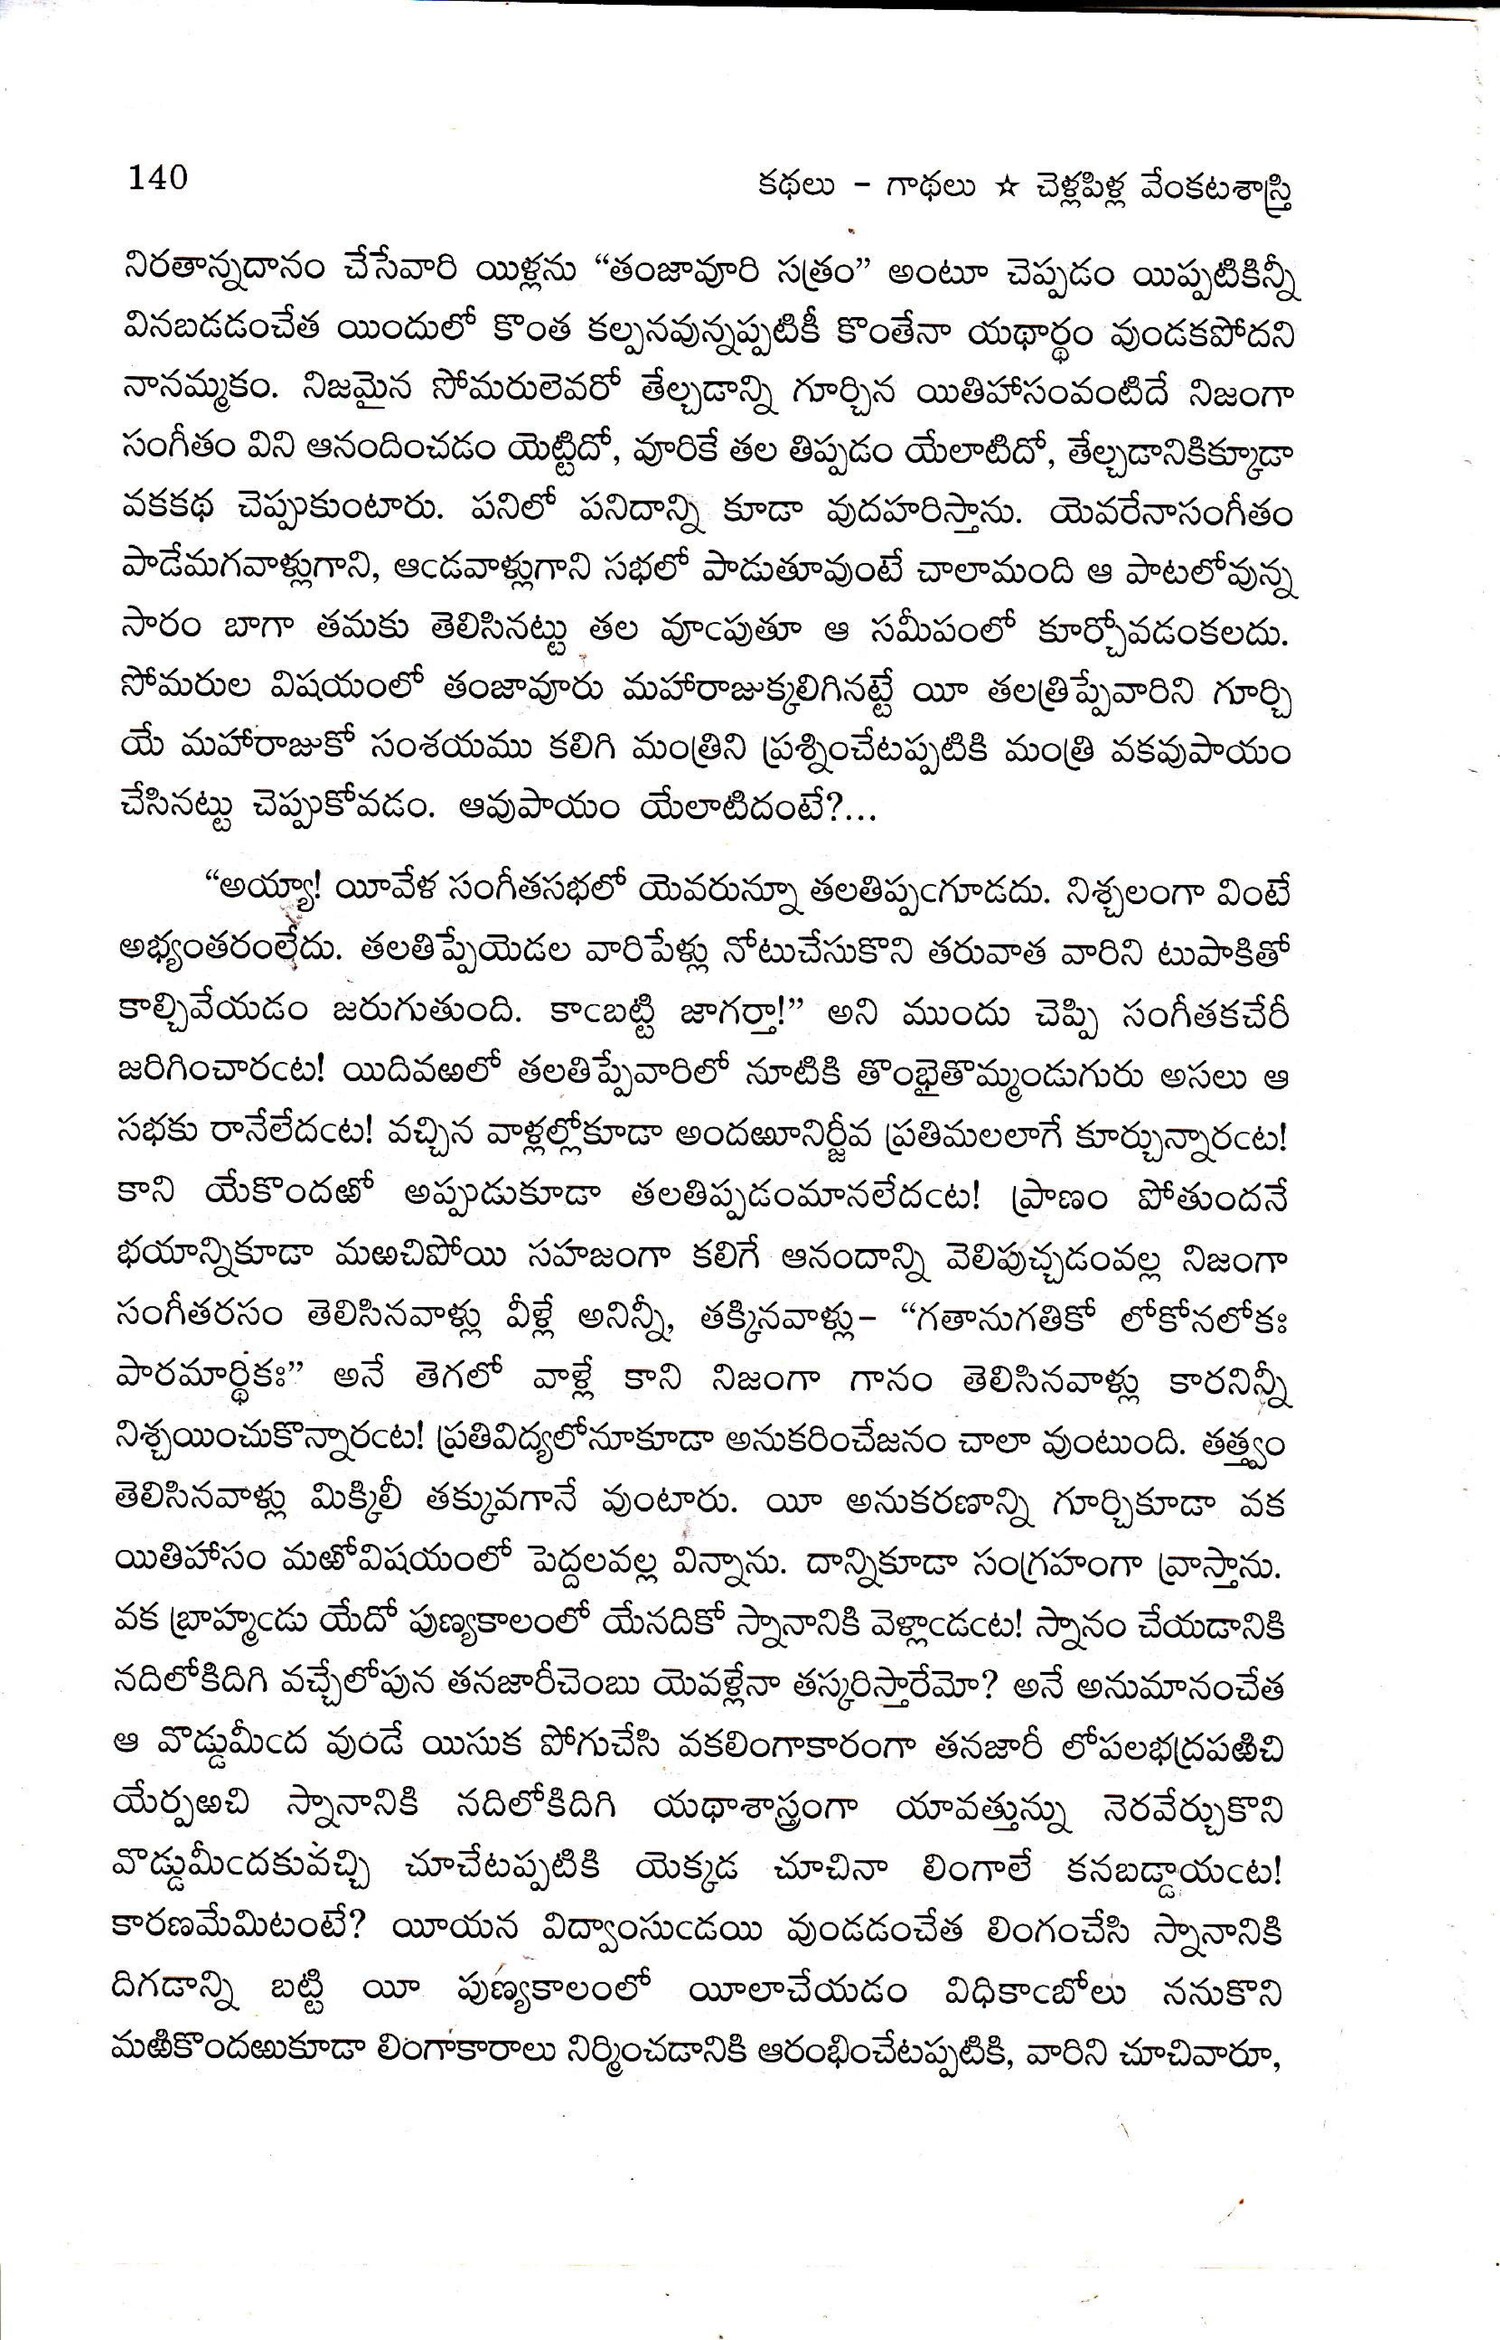నిరతాన్నదానం చేసేవారి యిళ్లను "తంజావూరి సత్రం" అంటూ చెప్పడం యిప్పటికిన్నీ వినబడడంచేత యిందులో కొంత కల్పనవున్నప్పటికీ కొంతేనా యథార్థం వుండకపోదని నానమ్మకం. నిజమైన సోమరులెవరో తేల్చడాన్ని గూర్చిన యితిహాసంవంటిదే నిజంగా సంగీతం విని ఆనందించడం యెట్టిదో, వూరికే తల తిప్పడం యేలాటిదో, తేల్చడానికిక్కూడా వకకథ చెప్పుకుంటారు. పనిలో పనిదాన్ని కూడా వుదహరిస్తాను. యెవరేనాసంగీతం పాడేమగవాళ్లుగాని, ఆఁడవాళ్లుగాని సభలో పాడుతూవుంటే చాలామంది ఆ పాటలోవున్న సారం బాగా తమకు తెలిసినట్టు తల వూఁపుతూ ఆ సమీపంలో కూర్చోవడంకలదు. సోమరుల విషయంలో తంజావూరు మహారాజుక్కలిగినట్టే యీ తలత్రిప్పేవారిని గూర్చి యే మహారాజుకో సంశయము కలిగి మంత్రిని ప్రశ్నించేటప్పటికి మంత్రి వకవుపాయం చేసినట్టు చెప్పుకోవడం. ఆవుపాయం యేలాటిదంటే?...

“అయ్యా! యీవేళ సంగీతసభలో యెవరున్నూతలతిప్పఁగూడదు. నిశ్చలంగా వింటే అభ్యంతరంలేదు. తలతిప్పేయెడల వారిపేళ్లు నోటుచేసుకొని తరువాత వారిని టుపాకితో కాల్చివేయడం జరుగుతుంది. కాఁబట్టి జాగర్తా!” అని ముందు చెప్పి సంగీతకచేరీ జరిగించారఁట! యిదివఱలో తలతిప్పేవారిలో నూటికి తొంభైతొమ్మండుగురు అసలు ఆ సభకు రానేలేదఁట! వచ్చిన వాళ్లల్లోకూడా అందఱూనిర్జీవ ప్రతిమలలాగే కూర్చున్నారఁట! కాని యేకొందఱో అప్పుడుకూడా తలతిప్పడంమానలేదఁట! ప్రాణం పోతుందనే భయాన్నికూడా మఱచిపోయి సహజంగా కలిగే ఆనందాన్ని వెలిపుచ్చడంవల్ల నిజంగా సంగీతరసం తెలిసినవాళ్లు వీళ్లే అనిన్నీ తక్కినవాళ్లు- “గతానుగతికో లోకోనలోకః పారమార్థికః" అనే తెగలో వాళ్లే కాని నిజంగా గానం తెలిసినవాళ్లు కారనిన్నీ నిశ్చయించుకొన్నారఁట! ప్రతివిద్యలోనూకూడా అనుకరించేజనం చాలా వుంటుంది. తత్త్వం తెలిసినవాళ్లు మిక్కిలీ తక్కువగానే వుంటారు. యీ అనుకరణాన్ని గూర్చికూడా వక యితిహాసం మఱోవిషయంలో పెద్దలవల్ల విన్నాను. దాన్నికూడా సంగ్రహంగా వ్రాస్తాను. వక బ్రాహ్మఁడు యేదో పుణ్యకాలంలో యేనదికో స్నానానికి వెళ్లాఁడఁట! స్నానం చేయడానికి నదిలోకిదిగి వచ్చేలోపున తనజారీచెంబు యొవళ్లేనా తస్కరిస్తారేమో? అనే అనుమానంచేత ఆ వొడ్డుమీఁద వుండే యిసుక పోగుచేసి వకలింగాకారంగా తనజారీ లోపలభద్రపఱిచి యేర్పఱచి స్నానానికి నదిలోకిదిగి యథాశాస్త్రంగా యావత్తున్ను నెరవేర్చుకొని వొడ్డుమీఁదకువచ్చి చూచేటప్పటికి యెక్కడ చూచినా లింగాలే కనబడ్డాయఁట! కారణమేమిటంటే? యీయన విద్వాంసుఁడయి వుండడంచేత లింగంచేసి స్నానానికి దిగడాన్ని బట్టి యీ పుణ్యకాలంలో యీలాచేయడం విధికాcబోలు ననుకొని మఱికొందఱుకూడా లింగాకారాలు నిర్మించడానికి ఆరంభించేటప్పటికి, వారిని చూచివారూ,